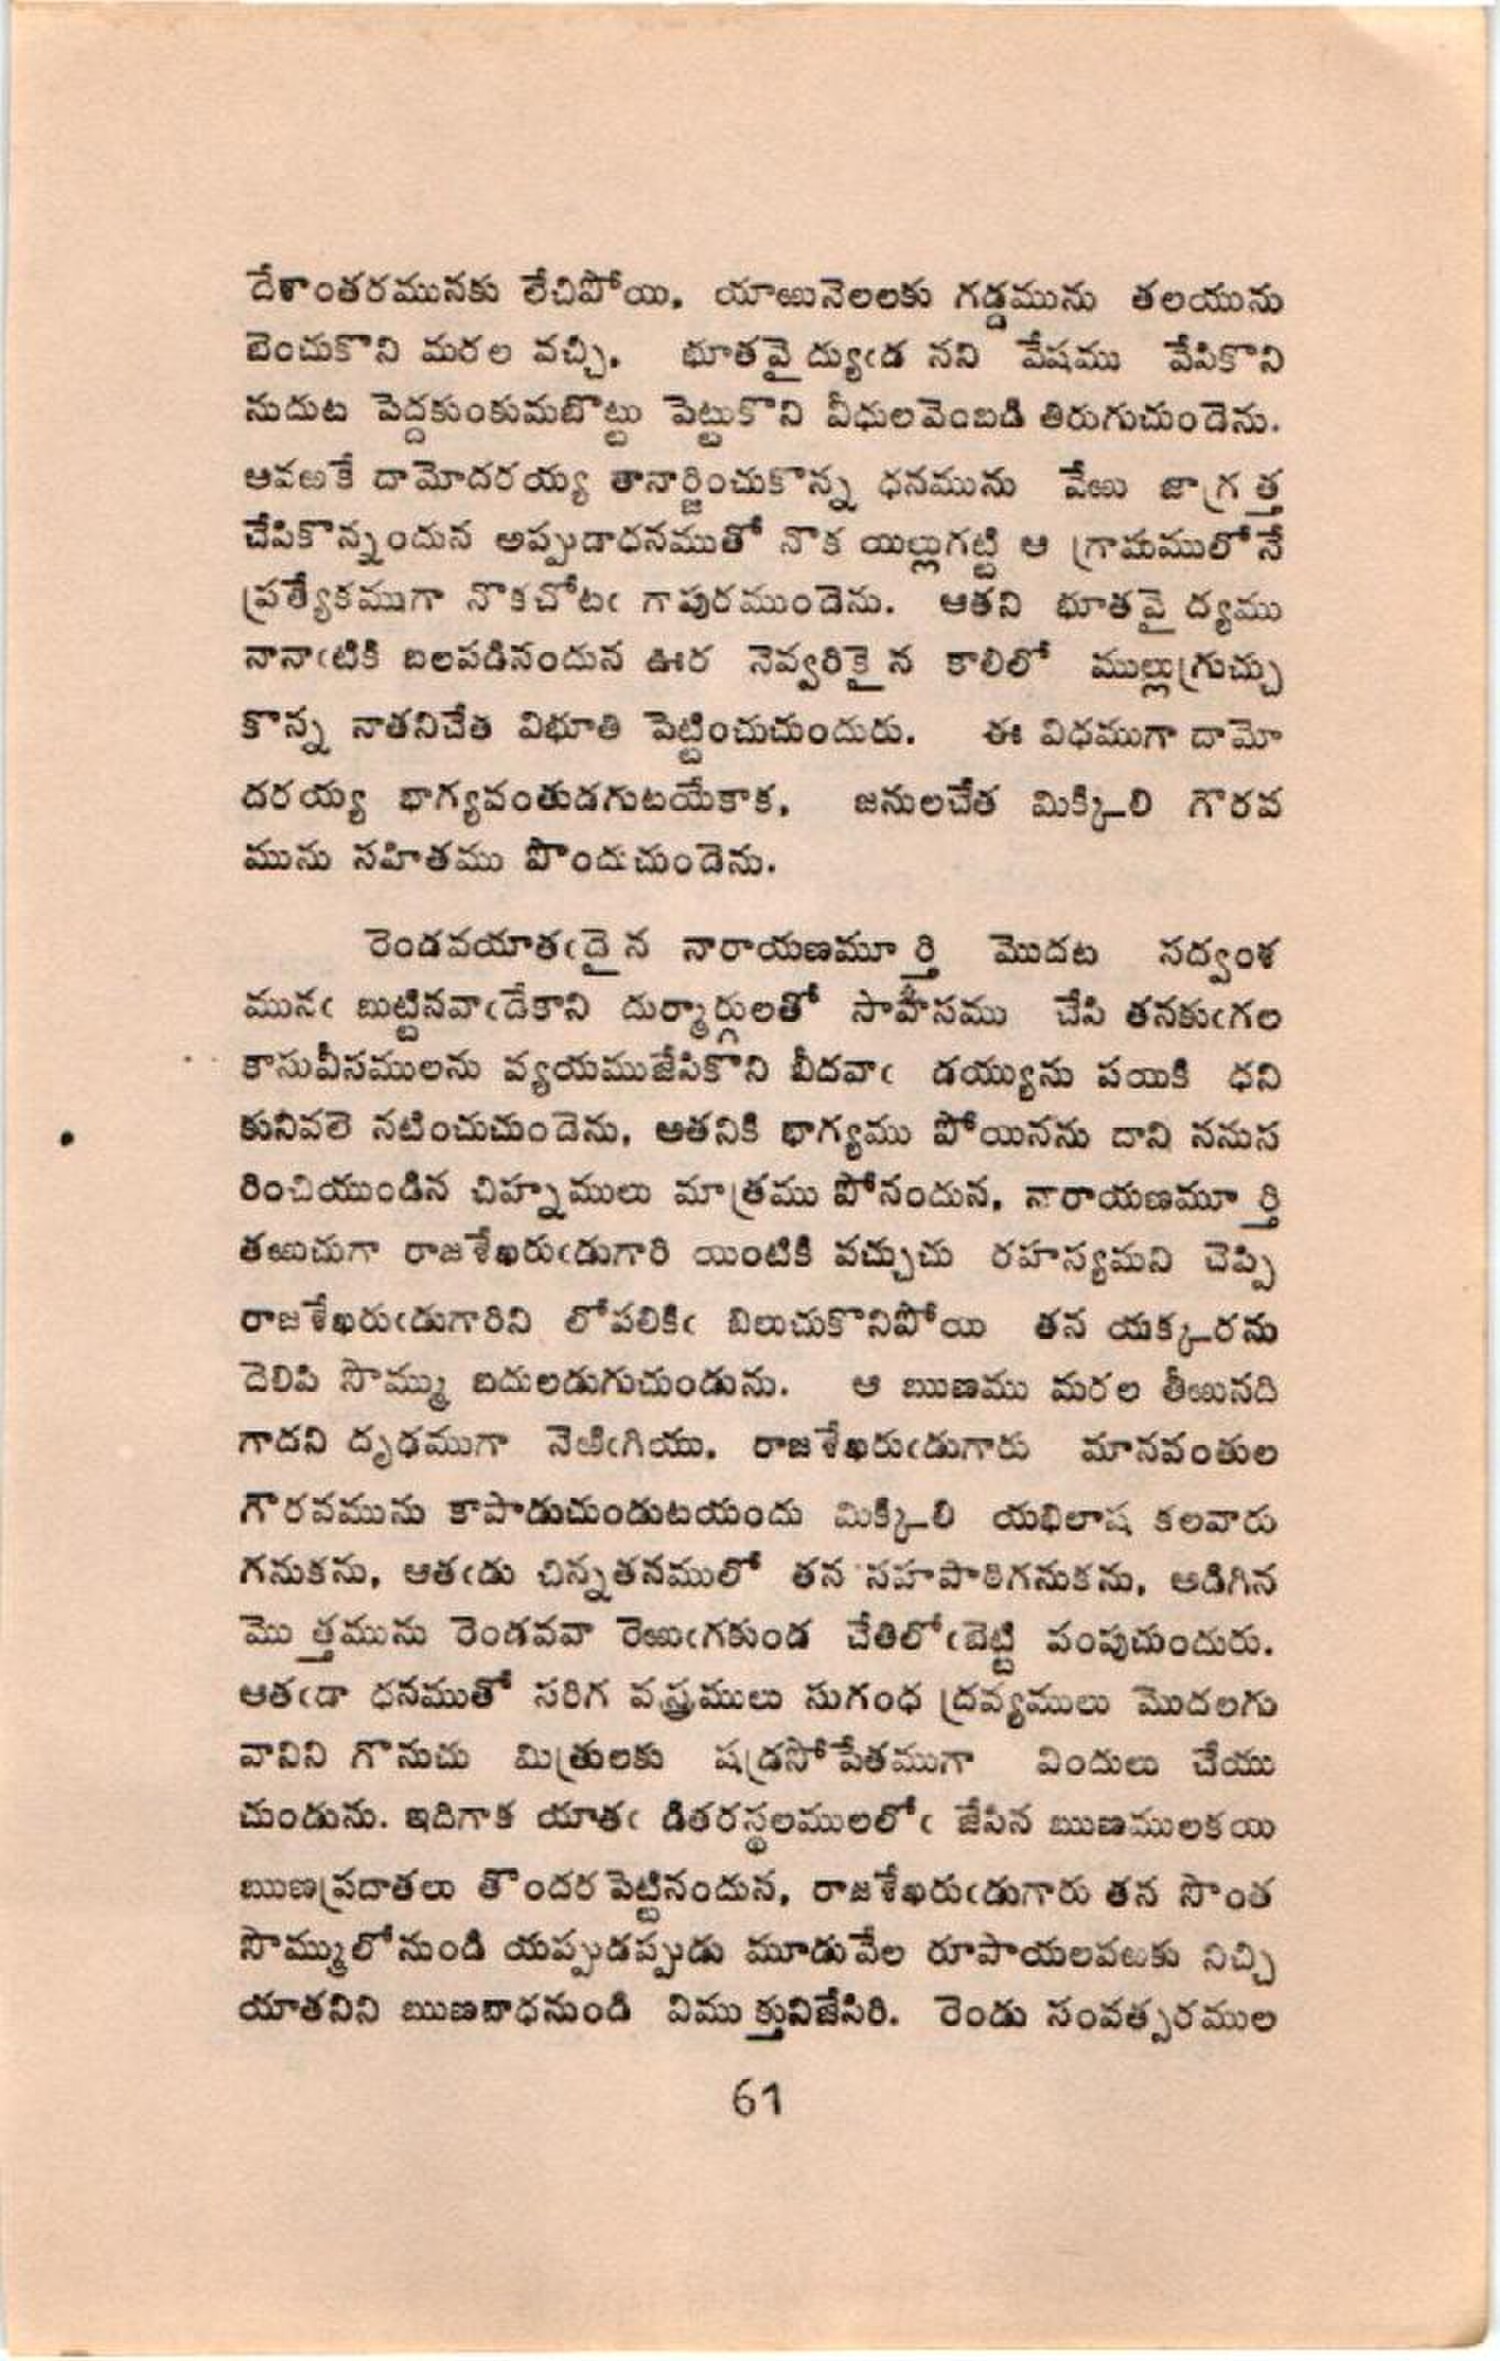దేశాంతరమునకు లేచిపోయి, యాఱునెలలకు గడ్డమును తలయును బెంచుకొని మరల వచ్చి, భూతవైద్యుఁడ నని వేషము వేసికొని నుదుట పెద్దకుంకుమబొట్టు పెట్టుకొని వీధులవెంబడి తిరుగుచుండెను. ఆవఱకే దామోదరయ్య తానార్జించుకొన్న ధనమును వేఱు జాగ్రత్త చేసికొన్నందున అప్పడాధనముతో నొక యిల్లుగట్టి ఆ గ్రామములోనే ప్రత్యేకముగా నొకచోటఁ గాపురముండెను. ఆతని భూతవైద్యము నానాఁటికి బలపడినందున ఊర నెవ్వరికైన కాలిలో ముల్లుగ్రుచ్చు కొన్న నాతనిచేత విభూతి పెట్టించుచుందురు. ఈ విధముగా దామో దరయ్య భాగ్యవంతుడగుటయేకాక, జనులచేత మిక్కిలి గౌరవ మును సహితము పొందుచుండెను.

రెండవయాతఁడైన నారాయణమూర్తి మొదట సద్వంశ మునఁ బుట్టినవాడేకాని దుర్మార్గులతో సాహసము చేసి తనకుఁగల కాసువీసములను వ్యయముజేసికొని బీదవాఁ డయ్యును పయికి ధని కునివలె నటించుచుండెను, అతనికి భాగ్యము పోయినను దాని ననుసరించియుండిన చిహ్నములు మాత్రము పోనందున, నారాయణమూర్తి తఱుచుగా రాజశేఖరుఁడుగారి యింటికి వచ్చుచు రహస్యమని చెప్పి రాజశేఖరుఁడుగారిని లోపలికిఁ బిలుచుకొనిపోయి తన యక్కరను దెలిపి సొమ్ము బదులడుగుచుండును. ఆ ఋణము మరల తీయినది గాదని దృఢముగా నెఱిగియు, రాజశేఖరుడుగారు మానవంతుల గౌరవమును కాపాడుచుండుటయందు మిక్కిలి యభిలాష కలవారు గనుకను, ఆతఁడు చిన్నతనములో తన సహపాఠిగనుకను, ఆడిగిన మొత్తమును రెండవవా రెఱుఁగకుండ చేతిలోబెట్టి పంపుచుందురు. ఆతఁడా ధనముతో సరిగ వస్త్రములు సుగంధ ద్రవ్యములు మొదలగు వానిని గొనుచు మిత్రులకు షడ్రసోపేతముగా విందులు చేయు చుండును. ఇదిగాక యాత డితరస్థలములలో జేసిన ఋణముల కయి ఋణప్రదాతలు తొందరపెట్టినందున, రాజశేఖరుడు గారు తన సొంత సొమ్ములోనుండి యప్పుడప్పుడు మూడువేల రూపాయలవఱకు నిచ్చి యాతనిని ఋణబాధనుండి విముక్తునిజేసిరి. రెండు సంవత్సరముల